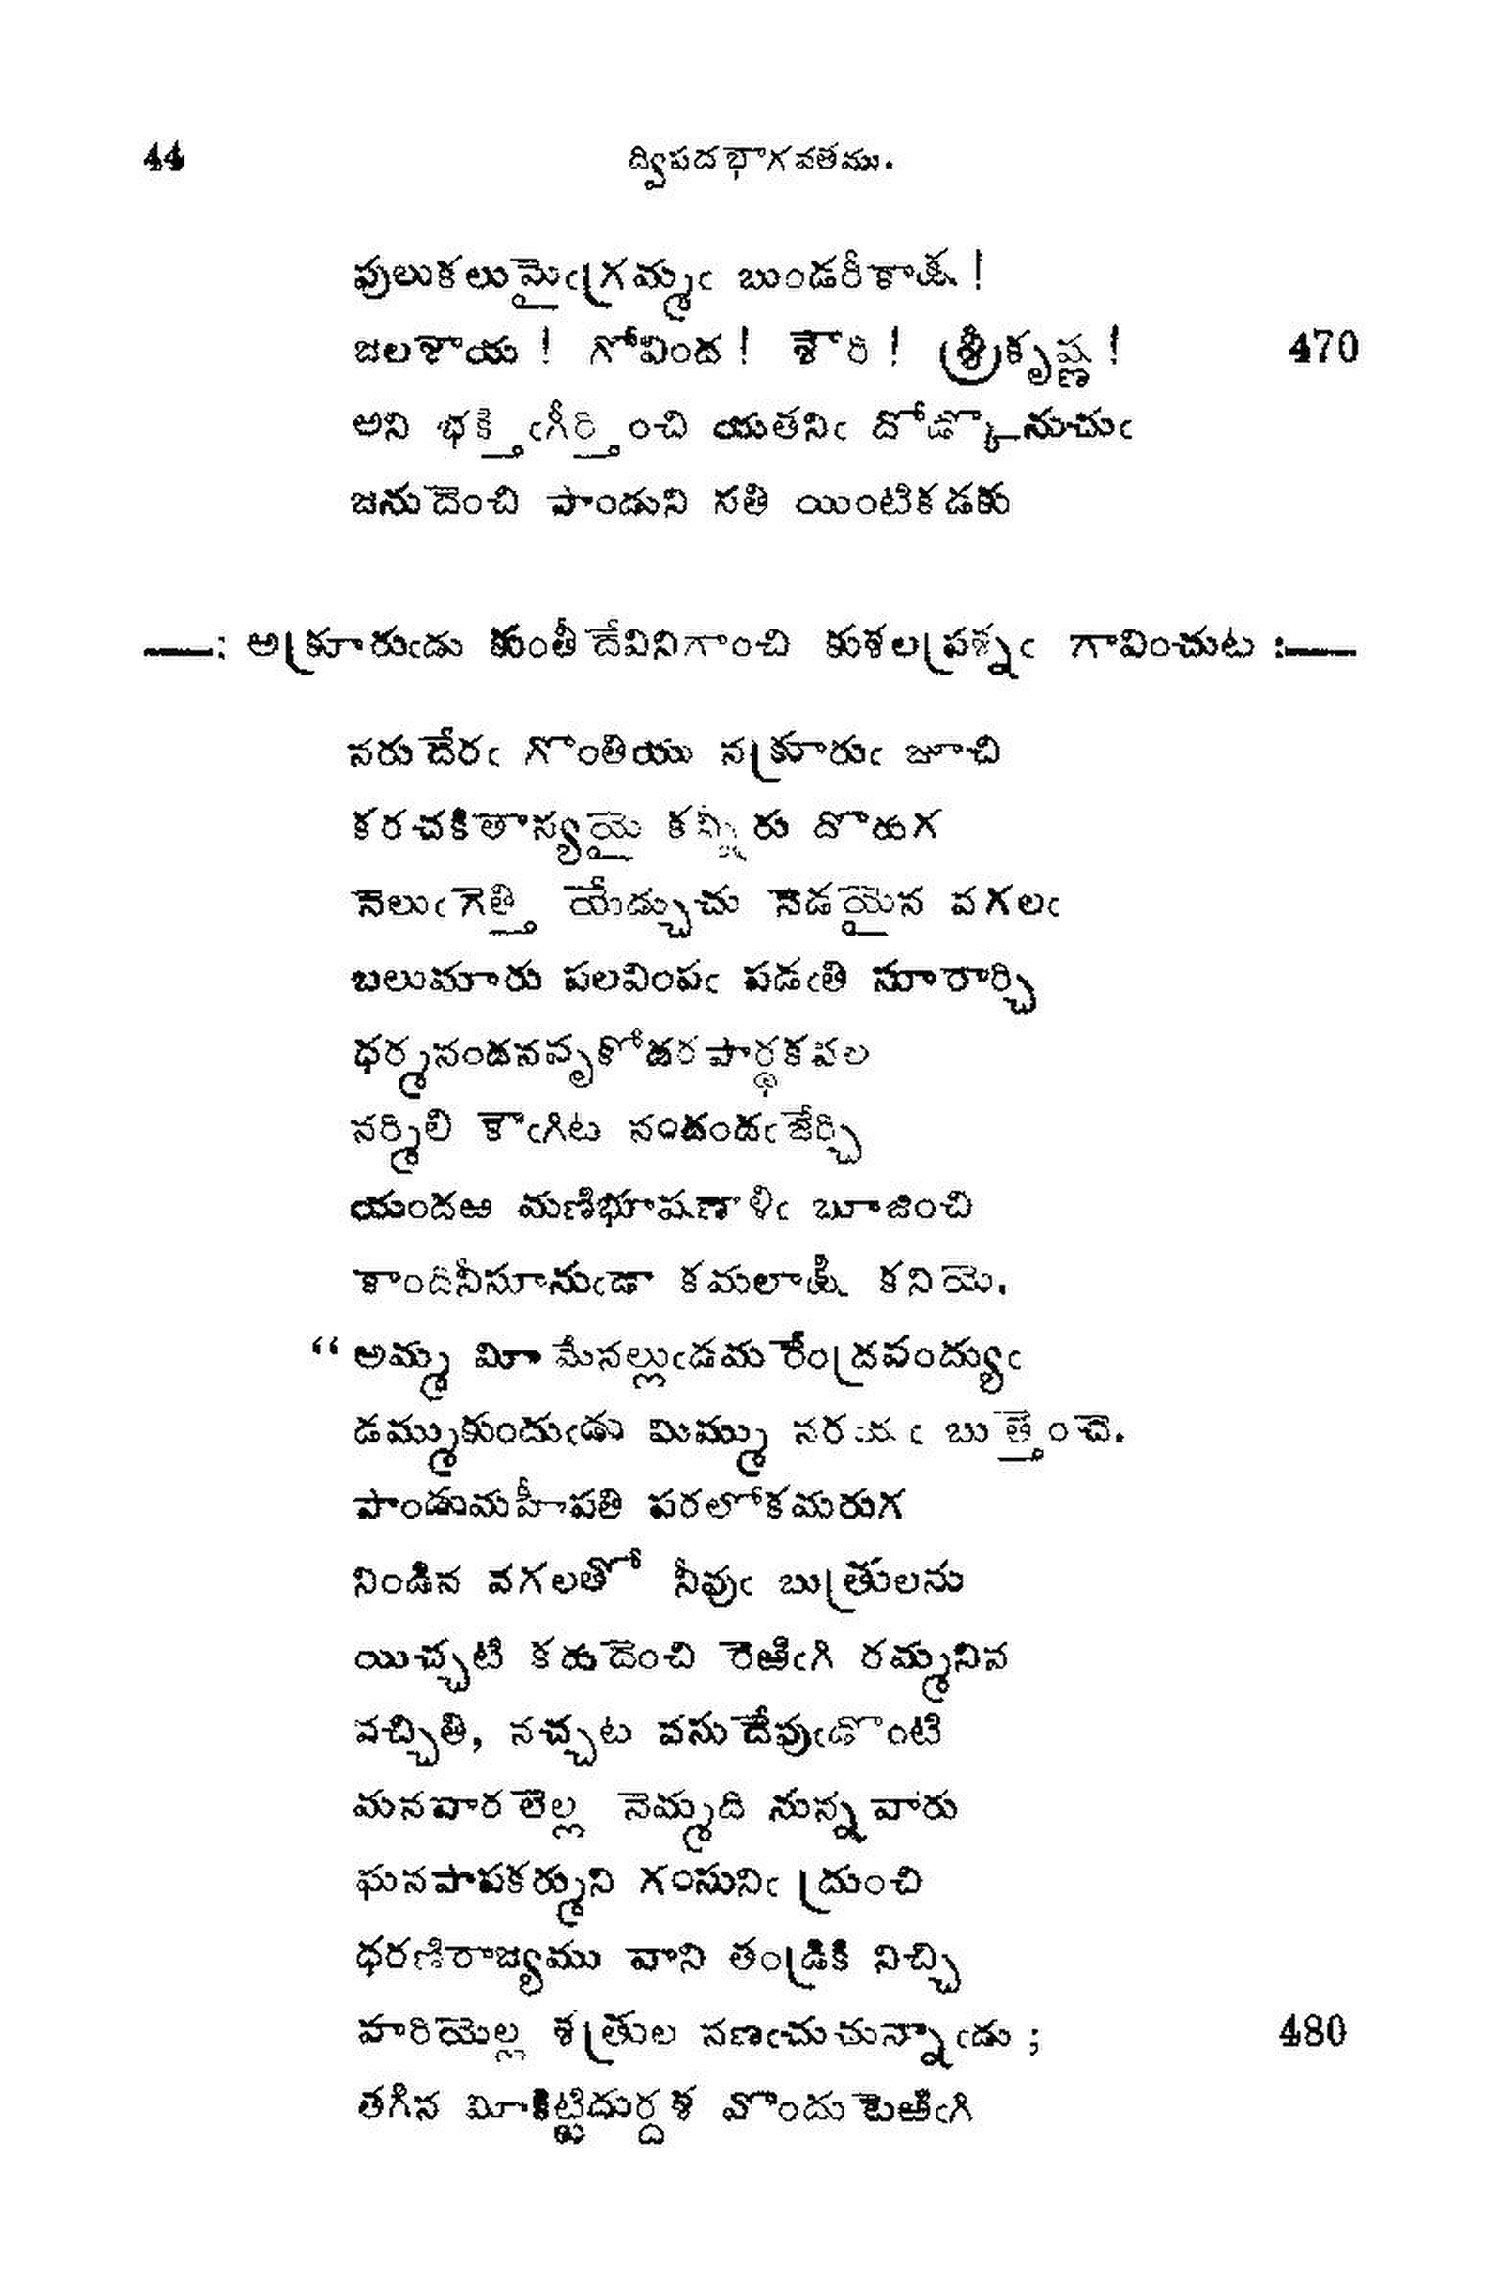పులుకలు మైఁగ్రమ్మఁ బుండరీకాక్ష!
జలశాయ! గోవింద! శౌరి! శ్రీకృష్ణ!
అని భక్తిఁ గీర్తించి యతనిఁ దోడ్కొనుచుఁ
జనుదెంచి పాండుని సతి యింటికడకు

నరుదేరఁ గొంతియు నక్రూరుఁ జూచి
కరచకితాస్యయై కన్నీరు దొరుగ
నెలుఁగెత్తి యేడ్చుచు నెడయైన వగలఁ
బలుమారు పలవింపఁ పడతి నూరార్చి
ధర్మనందనవృకోదరపార్థకవల
నర్మిలి కౌఁగిట నందందఁ జేర్చి
యందఱ మణిభూషణాళిఁ బూజించి
కాందినీసూనుఁ డాకమలాక్షి కనియె.
"అమ్మ మీమేనల్లుఁ డమరేంద్రవంద్యుఁ
డమ్ముకుందుఁడు మిమ్ము నరయఁ బుత్తెంచె.
పాండుమహీపతి పరలోక మరుగ
నిండిన వగలతో నీవుఁ బుత్రులను
యిచ్చటి కరుదెంచి రెఱిఁగి రమ్మనిన
వచ్చితి, నచ్చట వసుదేవుఁడొంటి
మనవారలెల్ల నెమ్మది నున్నవారు
ఘనపాపకర్ముని గంసునిఁ ద్రుంచి
ధరణిరాజ్యము వాని తండ్రికి నిచ్చి
హరి యెల్లశత్రుల నణఁచుచున్నాఁడు;
తగిన మీకిట్టిదుర్దశ వొందు టెఱిఁగి